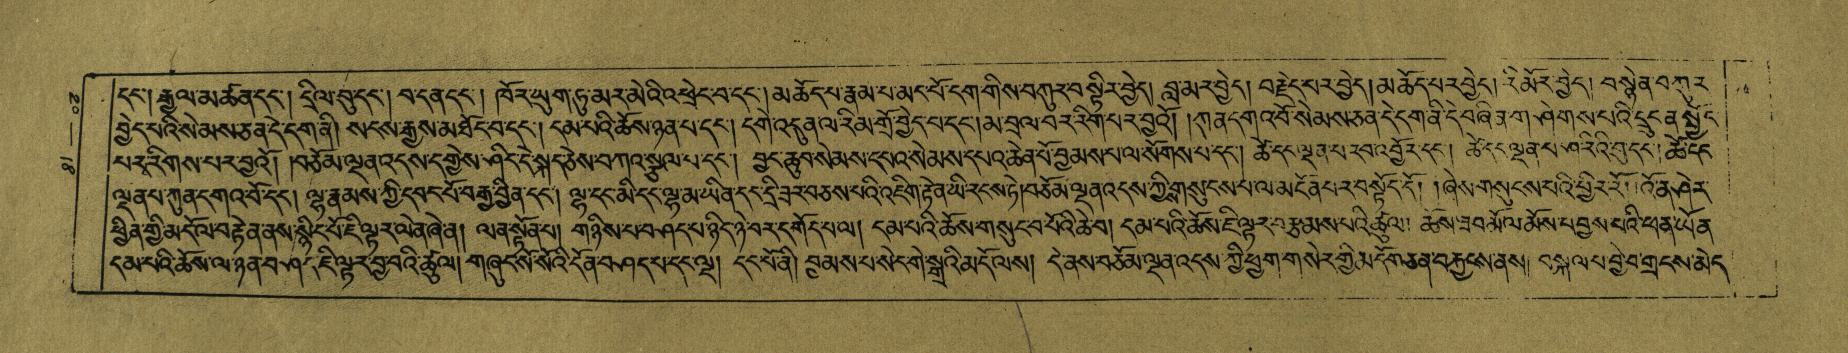དང་། རྒྱལ་མཚན་དང་། དྲིལ་བུ་དང་། བ་དན་དང་། ཁོར་ཡུག་ཏུ་མར་མེའི་འཕྲེང་བ་དང་། མཆོད་པ་རྣམ་པ་མང་པོ་དག་གིས་བཀུར་བསྟིར་བྱེད། བླ་མར་བྱེད། བརྗེད་པར་བྱེད། མཆོད་པར་བྱེད། རི་མོར་བྱེད། བསྙེན་བཀུར་
བྱེད་པའི་སེམས་ཅན་དེ་དག་ནི། སངས་རྒྱས་མཐོང་བ་དང་། དམ་པའི་ཆོས་ཉན་པ་དང་། དགེ་འདུན་ལ་རིམ་གྲོ་བྱེད་པ་དང་། མ་བྲལ་བར་རིག་པར་བྱའོ། །ཀུན་དགའ་བོ་སེམས་ཅན་དེ་དག་ནི་དེ་བཞིན་གཤེགས་པའི་དྲུང་ན་སྤྱོད་
པར་རིགས་པར་བྱའོ། །བཅོམ་ལྡན་འདས་དགྱེས་ཤིང་དེ་སྐད་ཅེས་བཀའ་སྩལ་པ་དང་། བྱང་ཆུབ་སེམས་དཔའ་སེམས་དཔའ་ཆེན་པོ་བྱམས་པ་ལ་སོགས་པ་དང་། ཚེ་དང་ལྡན་པ་རབ་འབྱོར་དང་། ཚེ་དང་ལྡན་པ་ཤ་རིའི་བུ་དང་། ཚེ་དང་
ལྡན་པ་ཀུན་དགའ་བོ་དང་། ལྷ་རྣམས་ཀྱི་དབང་པོ་བརྒྱ་བྱིན་དང་། ལྷ་དང་མི་དང་ལྷ་མ་ཡིན་དང་དྲི་ཟར་བཅས་པའི་འཇིག་རྟེན་ཡི་རངས་ཏེ། བཅོམ་ལྡན་འདས་ཀྱིས་གསུངས་པ་ལ་མངོན་པར་བསྟོད་དོ། །ཞེས་གསུངས་པའི་ཕྱིར་རོ། །འོ་ན་ཤེར་
ཕྱིན་གྱི་མདོ་ལ་བརྟེན་ནས་སྙིང་པོ་ཇི་ལྟར་ལེན་ཞེ་ན། ལན་སྟོན་པ། གཉིས་པ་བཤད་པ་ཉིད་ཉེ་བར་དགོད་པ་ལ། དམ་པའི་ཆོས་གསུང་བ་པོའི་ཆེ་བ། དམ་པའི་ཆོས་ཇི་ལྟར་བརྩམས་པའི་ཚུལ། ཆོས་ཟབ་མོ་ལ་མོས་པ་བྱས་པའི་ཕན་ཡོན།
དམ་པའི་ཆོས་ལ་ཉན་བཤད་ཇི་ལྟར་བྱ་བའི་ཚུལ། གཞུང་སོ་སོའི་དོན་བཤད་པ་དང་ལྔ། དང་པོ་ནི། བྱམས་པ་སེང་གེ་སྒྲའི་མདོ་ལས། དེ་ནས་བཅོམ་ལྡན་འདས་ཀྱི་ཕྱག་གསེར་གྱི་མདོག་ཅན་བརྐྱངས་ནས། བསྐལ་པ་བྱེ་བ་གྲངས་མེད་